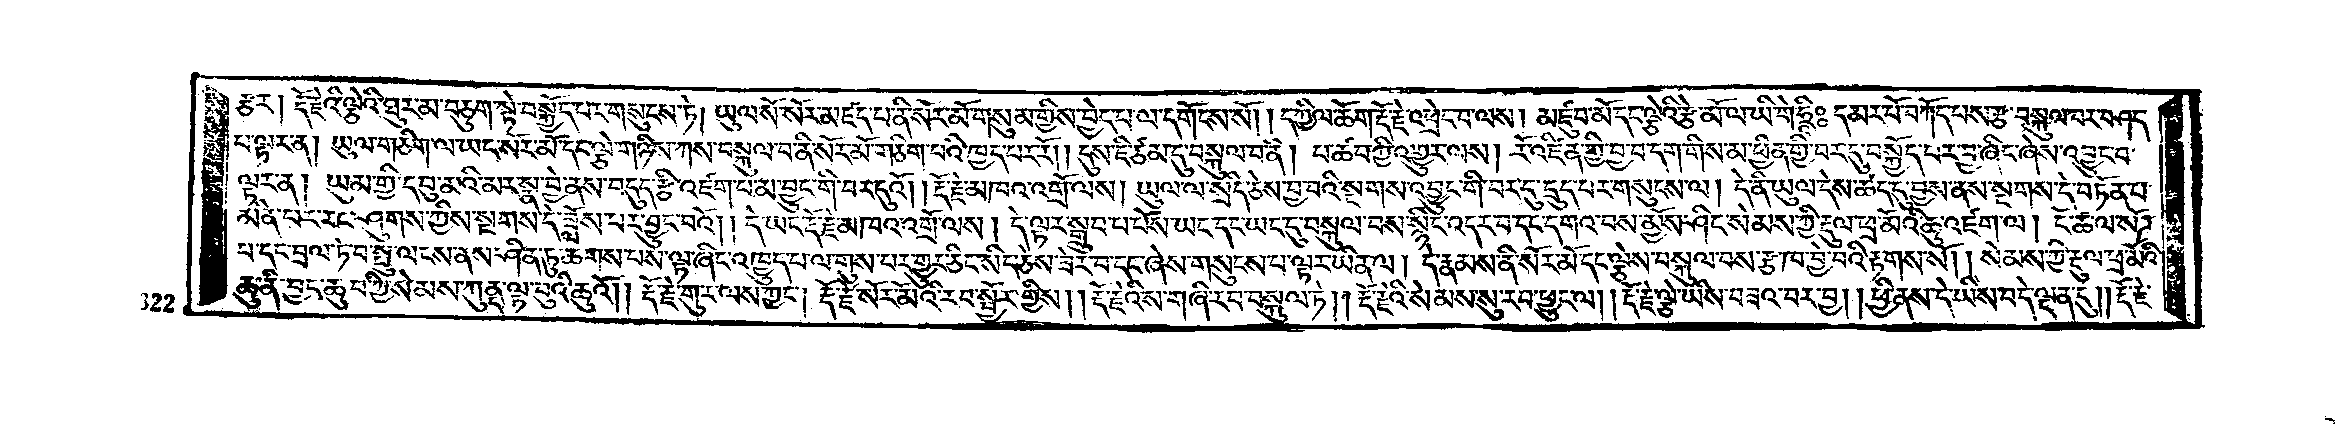རྩར། རྡོ་རྗེའི་ལྕེའི་ཐུར་མ་བཅུག་སྟེ་བསྐྱོད་པར་གསུངས་ཏེ། ཡུལ་སོ་སོར་མཛད་པ་ནི་སོར་མོ་གསུམ་གྱིས་བྱེད་པ་ལ་དགོངས་སོ། །དཀྱིལ་ཆོག་རྡོ་རྗེ་འཕྲེང་བ་ལས། མཛུབ་མོ་དང་ལྕེའི་རྩེ་མོ་ལ་ཡི་གེ་ཧྲཱིཿ དམར་པོ་བཀོད་པས་རྩ་བསྐུལ་བར་བཤད་
པ་ལྟར་ན། ཡུལ་གཅིག་ལ་ཡང་སོར་མོ་དང་ལྕེ་གཉིས་ཀས་བསྐུལ་བ་ནི་སོར་མོ་གཅིག་པའི་ཁྱད་པར་རོ། །དུས་ཇི་ཙམ་དུ་བསྐུལ་བ་ནི། པ་ཚབ་ཀྱི་འགྱུར་ལས། རོ་འཛིན་གྱི་བྱ་བ་དག་གིས་མ་ཕྱིན་གྱི་བར་དུ་བསྐྱོད་པར་བྱ་ཞིང་ཞེས་འབྱུང་བ་
ལྟར་ན། ཡུམ་གྱི་དབུ་མའི་མར་སྣ་བྱེ་ནས་བདུད་རྩི་འཛག་པ་མ་བྱུང་གི་བར་དུའོ། །རྡོ་རྗེ་མཁའ་འགྲོ་ལས། ཡུལ་ལ་སྲིད་ཅེས་བྱ་བའི་སྔགས་འབྱུང་གི་བར་དུ་དྲུད་པར་གསུངས་ལ། དེ་ནི་ཡུལ་དེས་ཆེད་དུ་བྱས་ནས་སྔགས་དེ་བཏོན་པ་
མིན་པར་རང་ཤུགས་ཀྱིས་སྔགས་དེ་ཟློས་པར་བྱུང་བའོ། །དེ་ཡང་རྡོ་རྗེ་མཁའ་འགྲོ་ལས། དེ་ལྟར་སྒྲུབ་པ་པོས་ཡང་དང་ཡང་དུ་བསྐུལ་བས་སྙིང་འདར་བ་དང་དགའ་བས་མྱོས་ཤིང་སེམས་ཀྱི་རྡུལ་ཕྲ་མོའི་ཆུ་འཛག་ལ། ངོ་ཚ་ལ་སོགས་
པ་དང་བྲལ་ཏེ་བ་སྤུ་ལངས་ནས་ཤིན་ཏུ་ཆགས་པས་ལྟ་ཞིང་འཁྱུད་པ་ལ་གུས་པར་གྱུར་ཅིང་སིད་ཅེས་ཟེར་བ་དང་ཞེས་གསུངས་པ་ལྟར་ཡིན་ལ། དེ་རྣམས་ནི་སོར་མོ་དང་ལྕེས་བསྐུལ་བས་རྩ་ཁ་བྱེ་བའི་རྟགས་སོ། །སེམས་ཀྱི་རྡུལ་ཕྲ་མོའི་
ཆུ་ནི་བྱང་ཆུབ་ཀྱི་སེམས་ཀུནྡ་ལྟ་བུའི་ཆུའོ། །རྡོ་རྗེ་གུར་ལས་ཀྱང་། རྡོ་རྗེ་སོར་མོའི་རབ་སྦྱོར་གྱིས། །རྡོ་རྗེའི་ས་གཞི་རབ་བསྐུལ་ཏེ། །རྡོ་རྗེའི་སེམས་སུ་རབ་ཕྱུང་ལ། །རྡོ་རྗེ་ལྕེ་ཡིས་བཟའ་བར་བྱ། །ཕྱི་ནས་དེ་ཡིས་བདེ་ལྡན་དུ། །རྡོ་རྗེ་